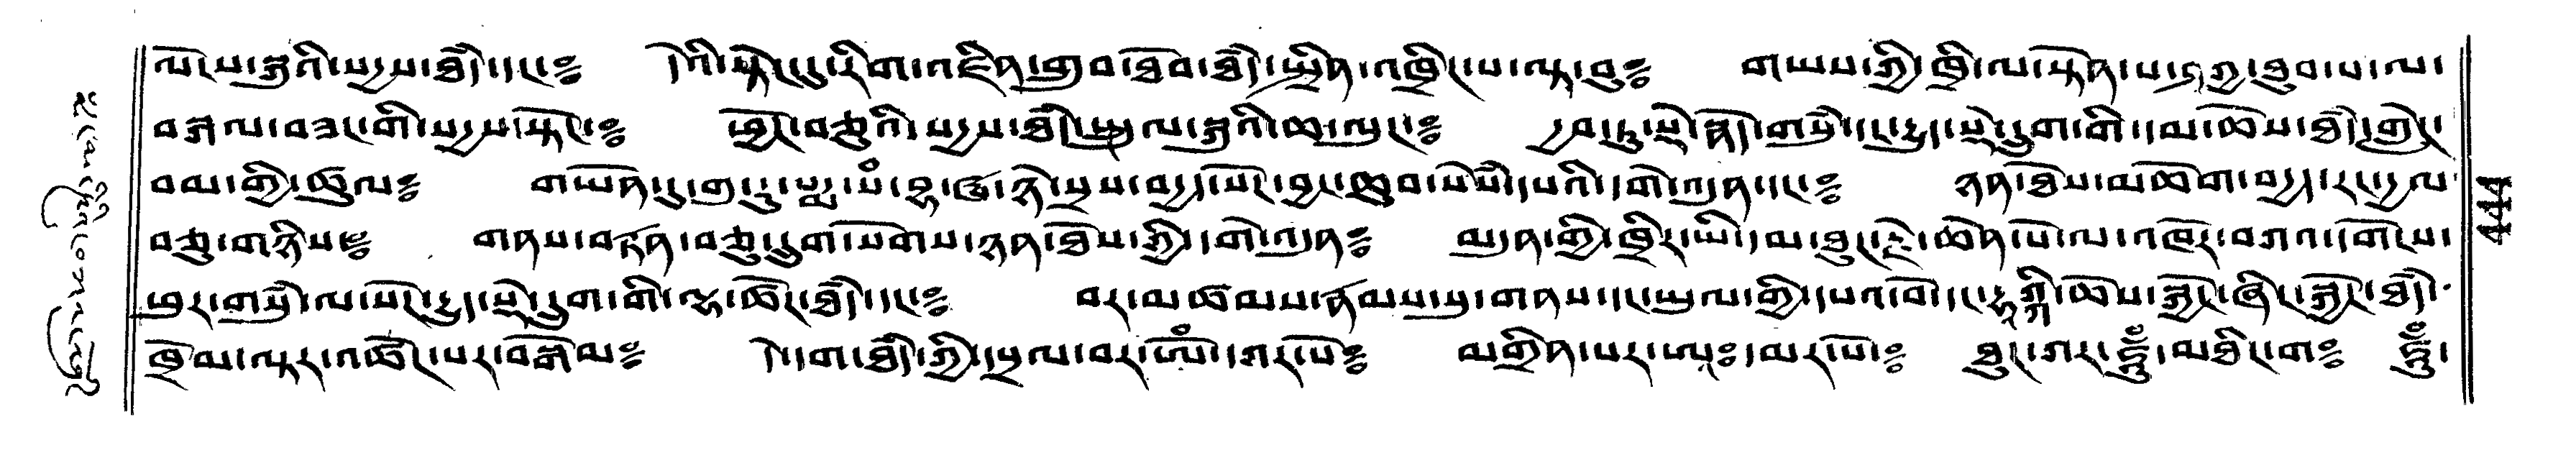ལོངས་སྐུའི་སངས་རྒྱས་ཐམ་ཅད་དང༔ དེའི་སྟེང་དུ་རིག་འཛིན་གྲུབ་ཐོབ་ཐམས་ཅད་སྤྲིན་འཁྲིགས་པ་ལྟ་བུ༔ གཡས་ཀྱི་ཁྲི་ལ་སྟོན་པ་ཤཱཀྱ་ཐུབ་པ་ལ་
བསྐལ་བཟང་གི་སངས་རྒྱས་སྟོང༔ཕྱོགས་བཅུའི་སངས་རྒྱས་ཐམས་ཅད་སྤྲུལ་སྐུའི་ཆ་ལུགས༔ རྒྱབ་ཏུ་སྡེ་སྣོད་གསུམ་དང་རྒྱུད་སྡེ་དྲུག་གི་དམ་ཆོས་ཐམས་ཅད་གླེགས་
བམ་གྱི་ཚུལ༔ གཡོན་དུ་གུ་རུ་པདྨ་སཾ་བྷ་ཝ་ཉེ་སྲས་བརྒྱད་སོགས་བྱང་ཆུབ་སེམས་དཔའི་དགེ་འདུན་དང༔ ཉན་ཐོས་མཆོག་བརྒྱད་རང་རྒྱལ་
བཅུ་གཉིས༔ གནས་བརྟན་བཅུ་དྲུག་སོགས་ཉན་ཐོས་ཀྱི་དགེ་འདུན༔ མདུན་གྱི་ཁྲིར་ཡི་དམ་ཐུགས་རྗེ་ཆེན་པོ་ལ་འཁོར་བཀའ་དགོངས་
ཕུར་གསུམ་ལ་སོགས་རྒྱུད་སྡེ་དྲུག་གི་ལྷ་ཚོགས་ཐམས་ཅད་དང༔ བར་མཚམས་རྣམས་སུ་གནས་དང་ཡུལ་གྱི་དཔའ་བོ་དང་དྷཱཀྐི་ཆོས་སྐྱོང་ཞིང་སྐྱོང་ཐམས་ཅད་
ཁྲོམ་ལྟར་ཚོགས་པར་བསྒོམ༔ དེ་དག་ཐམས་ཅད་ཀྱི་དཔྲལ་བར་ཨོཾ་དཀར་པོ༔ མགྲིན་པར་ཨཱཿདམར་པོ༔ ཐུགས་ཀར་ཧཱུྃ་མཐིང་ག༔ ཧཱུྃ་